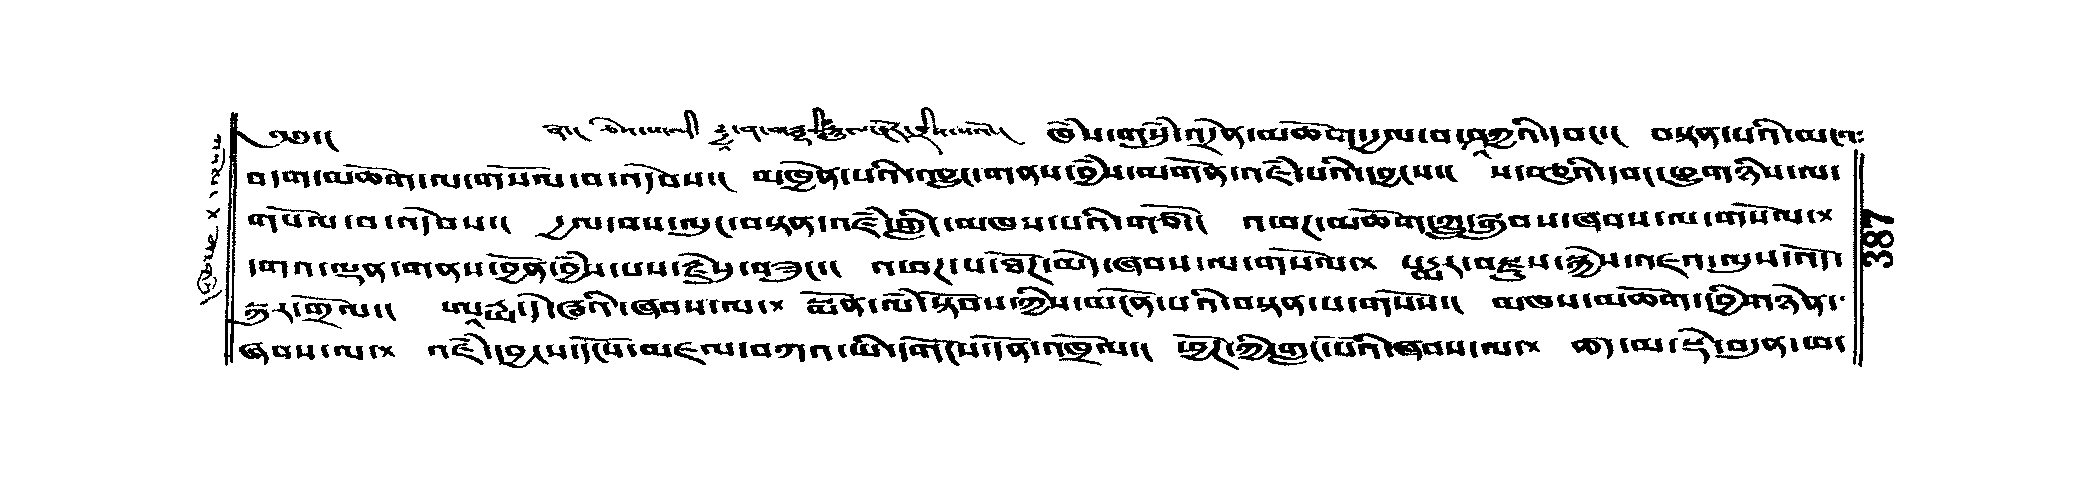ནོ།། ཞེས་པ་འདི། དྱཱ་ན་གརྦྷའི་བསྐུལ་ངོར་བྲིས་པའོ།། ཁམས་གསུམ་འདྲེན་མཆོག་རྒྱལ་བ་ཤཱཀྱའི་དབང་། །བསྟན་པའི་མངའ་
བདག་མཆོག་ལ་གསོལ་བ་འདེབས། །མཁྱེན་པའི་འབྱུང་གནས་བྱམས་མགོན་འཇམ་པའི་དབྱངས། །ས་བཅུའི་དབང་ཕྱུག་གཉིས་ལ་
གསོལ་བ་འདེབས། །རྒྱལ་བས་ལུང་བསྟན་འཛམ་གླིང་མཁས་པའི་གཙོ། །འཕགས་མཆོག་ཀླུ་སྒྲུབ་ཞབས་ལ་གསོལ༴ །
དགའ་ལྡན་གནས་བྱོན་བྱམས་པས་རྗེས་སུ་བཟུང་། །འཕགས་པ་ཐོགས་མེད་ཞབས་ལ་གསོལ༴ །པདྨར་བརྫུས་སྐྱེས་འཇའ་ལུས་འོད་
སྐུར་གྲོལ། །ཨཱརྻ་དེ་ཝའི་ཞབས་ལ༴ །སྨོན་ལམ་སྟོབས་ཀྱིས་མངོན་པའི་བསྟན་པ་གསོས། །མཁས་མཆོག་དབྱིག་གཉེན་
ཞབས་ལ༴ །འཇམ་དབྱངས་དངོས་མཇལ་བཀའ་ཡི་དགོངས་དོན་འཁྲོལ། །ཕྱོགས་ཀྱི་གླང་པོའི་ཞབས་ལ༴།ཚད་མ་སྡེ་བདུན་ཕ་